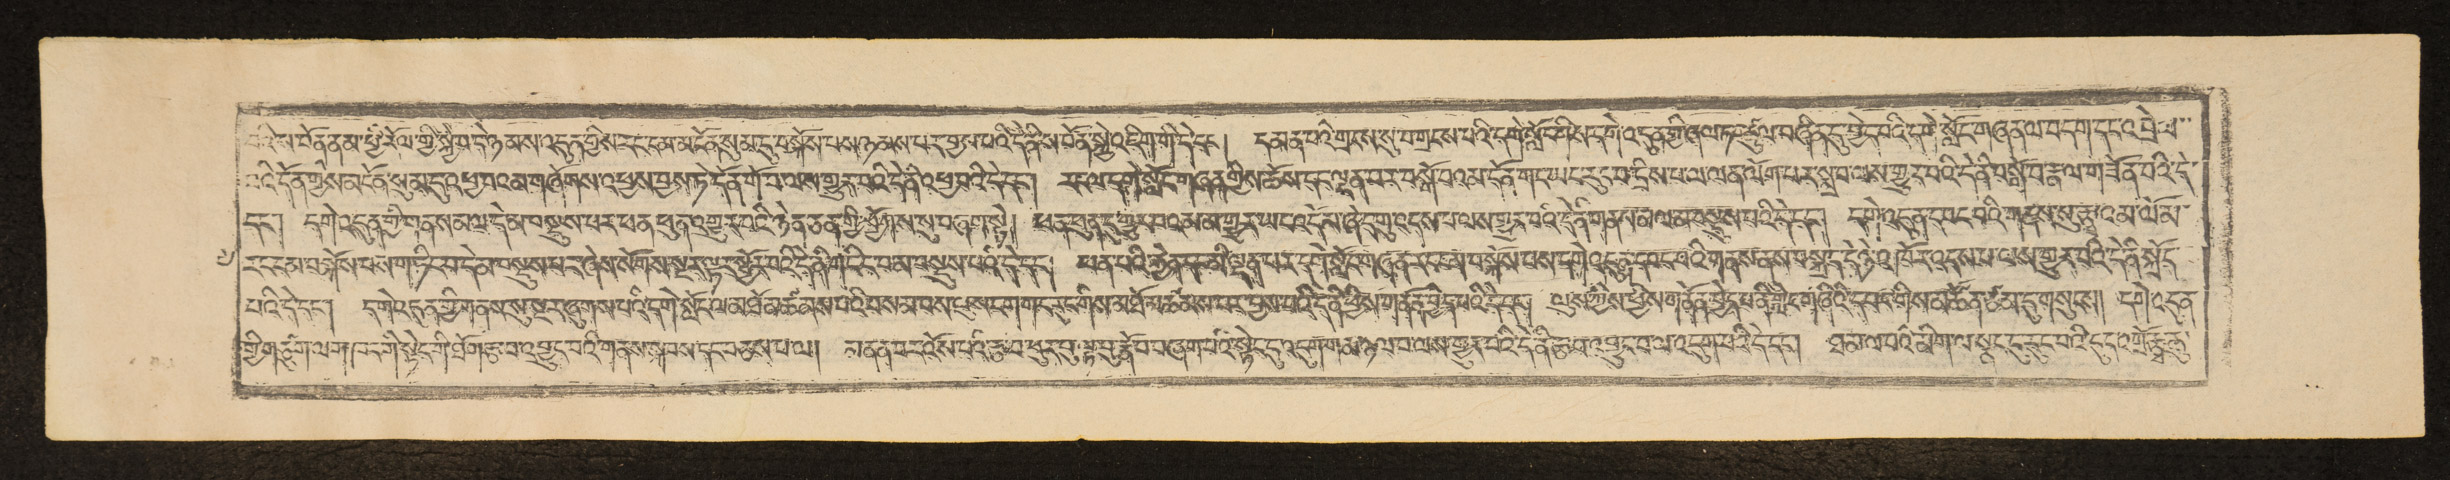བའི་ས་བོན་ནམ་ཕྱི་རོལ་གྱི་སྐྱེ་བ་དེ་ཉམས་འདུན་གྱིས་རང་ངམ་མངོན་སུམ་དུ་བསྐོས་པས་ཉམས་པར་བྱས་པའི་དེ་ནི་ས་བོན་སྐྱེ་འཇིག་གི་དེ་དང་། དམན་པའི་གྲངས་སུ་བགྲངས་པའི་དགེ་སློང་གིས་དགེ་འདུན་གྱི་ཞལ་ཏབ་ཚུལ་བཞིན་དུ་བྱེད་པའི་དགེ་སློང་གཞན་ལ་བདག་དང་འབྲེལ་
བའི་དོན་གྱིས་མངོན་སུམ་དུ་འཕྱ་བའམ་གཞོགས་འཕྱས་བྱས་ཏེ་དོན་གོ་བ་ལས་གྱུར་བའི་དེ་ནི་འཕྱ་བའི་དེ་དང་། རང་ལ་དགེ་སློང་གཞན་གྱིས་ཆོས་དང་ལྡན་པར་བསྒོ་བའམ་དོན་གང་ཡང་རུང་བ་དྲིས་པ་ལ་ལན་ལོག་པར་སྨྲ་བ་ལས་གྱུར་བའི་དེ་ནི་བསྒོ་བ་རྣལ་གཟོན་པའི་དེ་
དང་། དགེ་འདུན་གྱི་གནས་མལ་དེ་མ་བསྡུས་པར་ཕན་ཕུན་འགྱུར་བའི་ཉེན་ཅན་གྱི་ཕྱོགས་སུ་བཞག་སྟེ། ཕན་ཕུན་དུ་གྱུར་བའམ་མ་གྱུར་ཡང་འདོམ་ཞེ་དགུ་འདས་པ་ལས་གྱུར་བའི་དེ་ནི་གནས་མལ་མ་བསྡུས་པའི་དེ་དང་། དགེ་འདུན་དབང་བའི་གནས་སུ་རྩྭ་འམ་ལོ་མ་
རང་ངམ་བསྐོས་པས་གཏིང་བ་དེ་མ་བསྡུས་པར་ཞེས་སོགས་སྔར་ལྟར་སྦྱོར་བའི་དེ་ནི་གདིང་བ་མ་བསྡུས་པའི་དེ་དང་། ཕན་པའི་རྐྱེན་དང་མི་ལྡན་པར་དགེ་སློང་གཞན་རང་མ་བསྐོས་པས་དགེ་འདུན་དབང་བའི་གནས་ནས་བསྐྲད་དེ་ཉེ་འཁོར་འདས་པ་ལས་གྱུར་བའི་དེ་ནི་སྐྲོད་
པའི་དེ་དང་། དགེ་འདུན་གྱི་གནས་སུ་སྔར་ཞུགས་པའི་དགེ་སློང་ལ་མཐོ་མཚན་མ་བའི་བསམ་པས་ལུས་ངག་གང་རུང་གིས་མཐོ་མཚམས་པར་བྱས་པའི་དེ་ནི་ཕྱིས་གནོན་བྱེད་པའི་དེ་དང་། ལུས་ཀྱིས་ཕྱིས་གནོན་བྱེད་པ་ནི་གླེང་གཞིའི་དབང་གིས་མཚོན་ཙམ་དུ་གསུངས། དགེ་འདུན་
གྱི་གཙུག་ལག་ཁང་གི་སྟེང་གི་ཐོག་རྩ་བ་འབྱུང་བའི་གནས་སྐབས་དང་བཅས་པ་ལ། མནན་པར་འོས་པའི་རྩ་བ་ཕུར་བུ་ལྟ་བུ་རྣོ་བ་བཞག་པའི་སྟེང་དུ་འདུག་གམ་ཉལ་བ་ལས་གྱུར་བའི་དེ་ནི་རྩ་བ་འབྱུང་བ་ལ་འདུག་པའི་དེ་དང་། ཐ་མལ་བའི་མིག་ལ་སྣང་དུ་རུང་བའི་དུད་འགྲོ་རྩྭ་ཆུ་